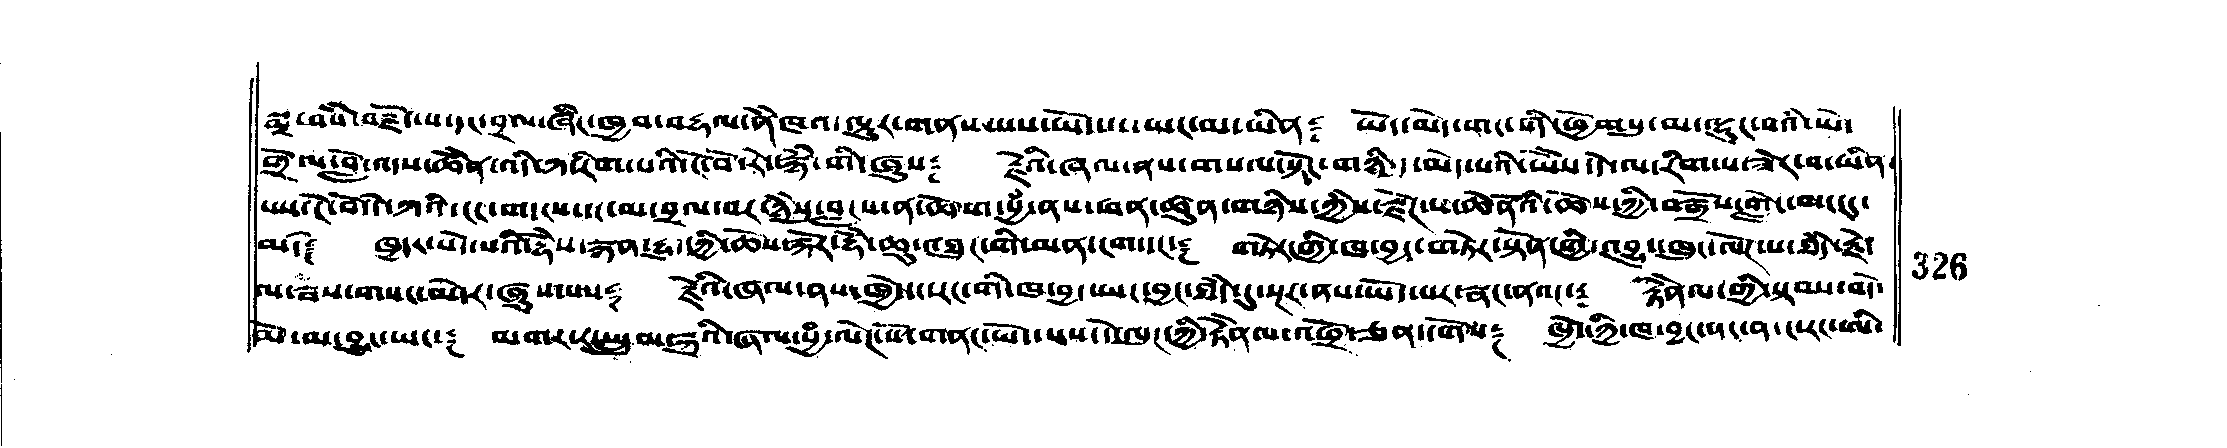སྨྲ་བསམ་བརྗོད་པ་དང་བྲལ་ཞིང་ཁྱབ་བརྡལ་ནམ་མཁའ་ལྟ་བུར་གནས་པས་ཡོད་པ་ཡང་མ་ཡིན། ཡོད་མེད་གང་གི་ཕྱོགས་སུ་མ་ལྷུང་བའི་ཡེ་
གྲོལ་བློ་འདས་ཆེན་པོ་འདི་ཀ་རིག་པའི་ངོ་བོ་རེད་སྙམ་གི་ཞུས།རྗེའི་ཞལ་ནས་གསལ་སྟོང་གཉིས་སུ་མེད་པའི་ཡེ་ཤེས་དེ་ལ་རིག་པ་ཟེར་བ་ཡིན་
པས་ངོ་བོ་དེ་ཀའི་ངང་གདངས་དང་མ་བྲལ་བར་ཉམས་སུ་བླངས་ན་ཆོག་གསུང་ནས་ཕན་ཚུན་གཉིས་ཀྱིས་རྫོགས་པ་ཆེན་པོའི་ཆོས་ཀྱི་བགྲོ་གླེང་མང་དུ་
མཛད། ཁྱད་པར་བདེ་བའི་རྡོ་རྗེས་སྙན་རྒྱུད་ཀྱི་ཆོས་སྐོར་རྡོ་རྗེ་ཆུ་འཐུང་གི་མན་ངག་དང་། གཏེར་གྱི་ཁ་བྱང་གཏེར་སྟོན་གྱི་འབྱུང་ཁུངས་ལ་སོགས་པ་ཐམས་ཅད་རྗེ་
ལ་སྦས་གསང་མེད་པར་ཞུས་པས། རྗེའི་ཞལ་ནས་ཁྱེད་རང་གི་ཁ་བྱང་ཡང་བྱང་ཐམས་ཅད་དུ་སྔར་ནས་ཡོད་པར་སྣང་ནའང་། རྟེན་འབྲེལ་གྱི་སྟབས་བདེ་
མོ་མ་བྱུང་ཡང་། མགར་ར་སྤྲུལ་སྐུའི་ཞལ་གསུང་ལེགས་པོ་གནང་ཡོད་པས་དེ་ལུགས་ཀྱི་རྟེན་འབྲེལ་འཕྲོ་ཅན་དགོས། ཁྱེད་ཀྱི་ཁ་བྱང་ནང་ན་ང་རང་ཨི་